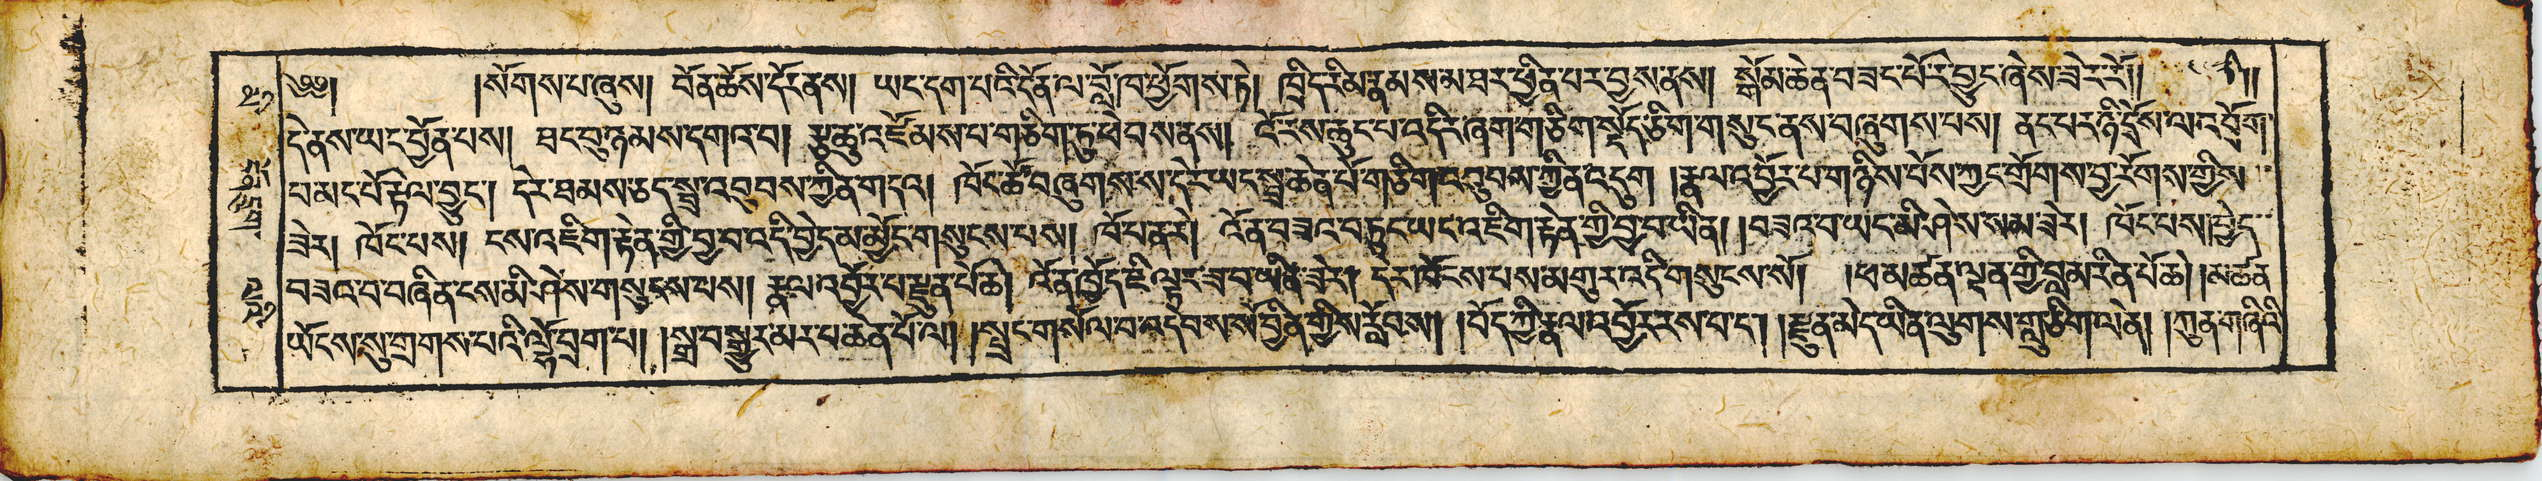སོགས་པ་ཞུས། བོན་ཆོས་དོར་ནས། ཡང་དག་པའི་དོན་ལ་བློ་ཁ་ཕྱོགས་ཏེ། ཁྲིད་རིམ་རྣམས་མཐར་ཕྱིན་པར་བྱས་ནས། སྒོམ་ཆེན་བཟང་པོ་རེ་བྱུང་ཞེས་ཟེར་རོ།། །།
དེ་ནས་ཡང་བྱོན་པས། ཐང་བུ་ཉམས་དགའ་བ། རྩ་ཆུ་འཛོམས་པ་གཅིག་ཏུ་ཕེབས་ནས། འོ་རས་ཆུང་པ་འདིར་ཞག་གཅིག་སྡོད་ཅིག་གསུང་ནས་བཞུགས་པས། ནང་པར་ཉི་དྲོས་ལ་འབྲོག་
པ་མང་པོ་རྟེལ་བྱུང་། དེར་ཐམས་ཅད་སྦྲ་འབུབས་ཀྱིན་གདའ། ཁོང་ཚོ་བཞུགས་ས་དེར་ཡང་སྦྲ་ཆེན་པོ་གཅིག་འབུབས་ཀྱིན་འདུག །རྣལ་འབྱོར་པ་གཉིས་པོས་ཀྱང་གྲོགས་བྱ་རོགས་གྱིས་
ཟེར། ཁོང་པས། ངས་འཇིག་རྟེན་གྱི་བྱ་བ་འདི་བྱེད་མ་མྱོང་གསུངས་པས། ཁོ་པ་ན་རེ། འོ་ན་བཟའ་བཏུང་ཡང་འཇིག་རྟེན་གྱི་བྱ་བ་ཡིན། །བཟའ་བ་ཡང་མི་ཤེས་ཨམ་ཟེར། ཁོང་པས་ཁྱེད
བཟའ་བ་བཞིན་ངས་མི་ཤེས་གསུངས་པས། རྣལ་འབྱོར་པ་རྫུན་པོ་ཆེ། འོ་ན་ཁྱོད་ཇི་ལྟར་བཟའ་བ་ཡིན་ཟེར། དེར་ཁོངས་པས་མགུར་འདི་གསུངས་སོ། །ཕ་མཚན་ལྡན་གྱི་བླ་མ་རིན་པོ་ཆེ། །མཚན་
ཡོངས་སུ་གྲགས་པའི་ལྷོ་བྲག་པ། །སྒྲ་བསྒྱུར་མར་པ་ཆེན་པོ་ལ། །སྤྲང་གསོལ་བ་འདེབས་སོ་བྱིན་གྱིས་རློབས། །བོད་ཀྱི་རྣལ་འབྱོར་རས་པ་ང་། །རྫུན་མེད་ཡིན་ལུགས་གླུ་ཅིག་ལེན། །ཀུན་གཞིའི་